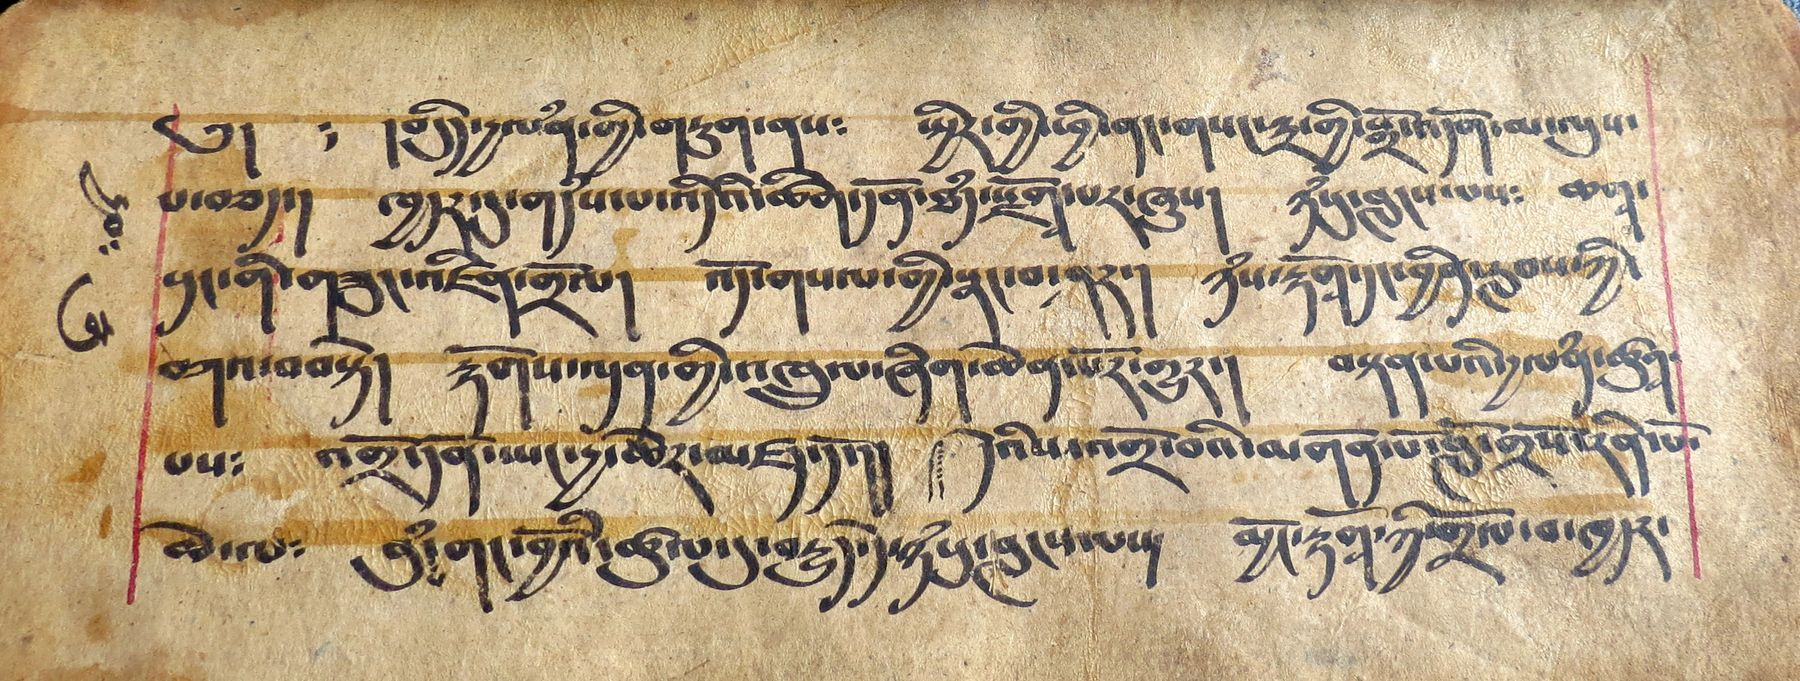བདུད་རྩི་རྒྱལ་མཚན་གྱིས་གཏུགས་ནས། སྤྱིར་གྱི་ཕྱི་ནང་གསང་གསུམ་གྱི་སྒྲོ་འདོགས་མ་ལུས་
པ་བཅད། ཁྱད་པར་དུ་གདམས་པ་འདིའི་ཚིག་དོན་ཐམས་ཅད་རྫོགས་པར་ཞུས། ཉམས་སུ་བླངས་པས། ཆགས་
སྡང་གི་གཟུང་འཛིན་གྲོལ། འོད་གསལ་གྱི་སྣང་བ་ཤར། ཉམས་རྟོགས་དང་བྱིན་རླབས་ཀྱི་
བཀའ་བབས་ཏེ། རྟོགས་ལྡན་གྱི་འཁྲུལ་ཞིག་ཆེན་པོར་གྱུར། བསྟན་པའི་རྒྱལ་མཚན་ཚུགས་
པས། འགྲོ་དོན་ཡང་རྒྱ་ཆེར་མཛད་དོ། ། དེ་ཡིས་འགྲོ་བའི་མགོན་པོ་བློ་གྲོས་རིན་པོ་ཆེ་
མོ་ལ། བུམ་པ་གང་བྱོའི་ཚུལ་དུ་བརྒྱུད་དེ། ཉམས་སུ་བླངས་པས་མྱོང་རྟོགས་ཀྱི་གྲོལ་བ་ཁྱད་པར་